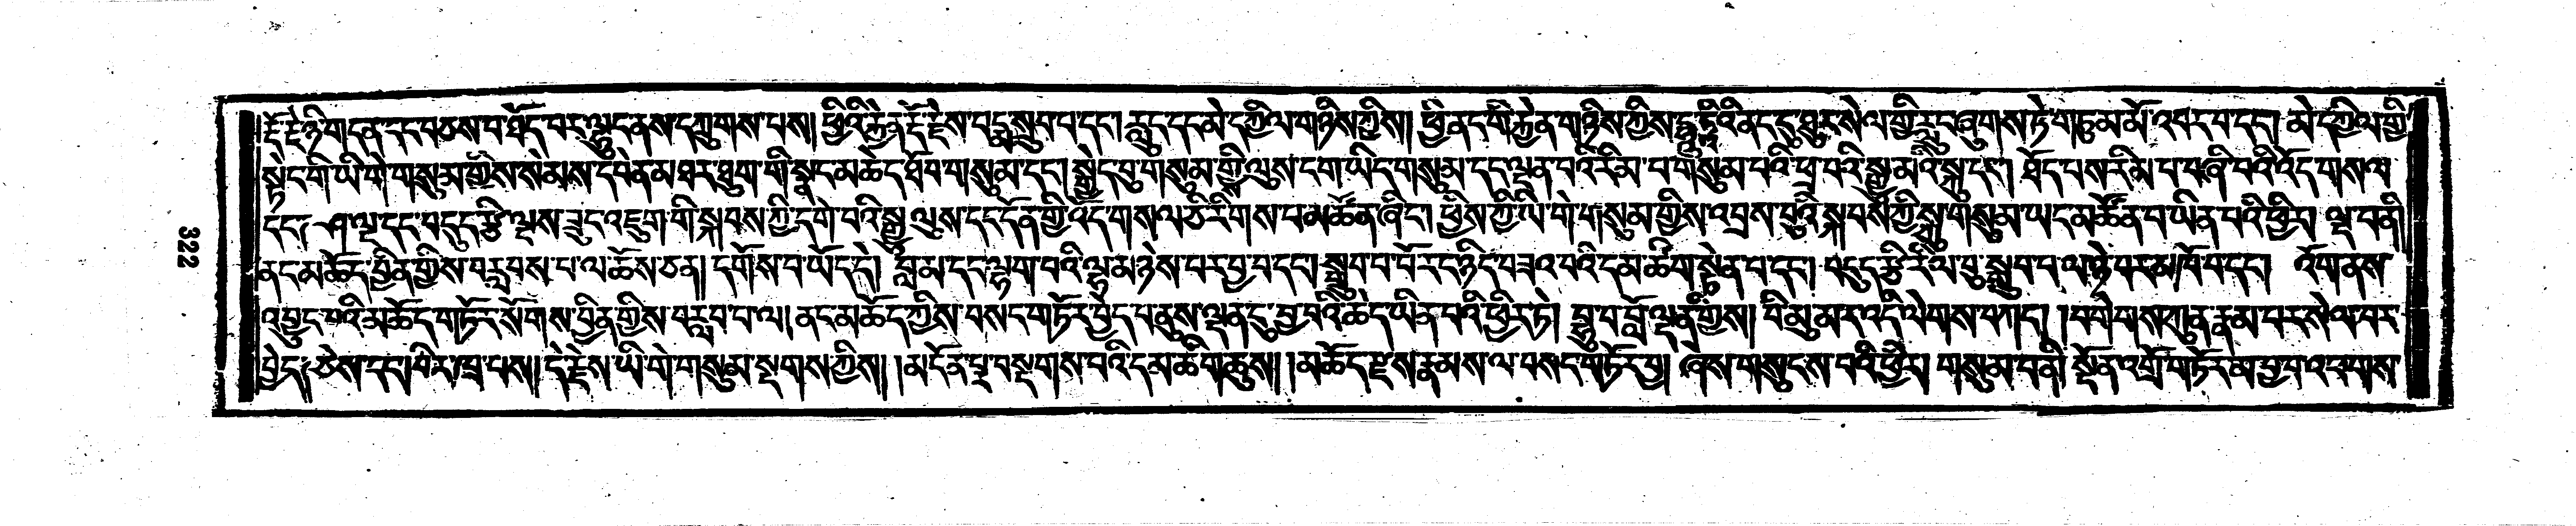རྡོ་རྗེ་ཉི་གདན་དང་བཅས་པ་ཐོད་པར་ལྷུང་ནས་དཀྲུགས་པས། ཕྱིའི་རྐྱེན་རྡོ་རྗེས་པདམ་སྲུང་བ་དང་། རླུང་དང་མེ་དཀྱིལ་གཉིས་ཀྱིས། ཕྱི་ནང་གི་རྐྱེན་གཉིས་ཀྱིས་དྷཱུ་ཏཱིའི་ནང་དུ་ཐུར་སེལ་གྱི་རླུང་ཞུགས་ཏེ་གཏུམ་མོ་འབར་བ་དང་། མེ་དཀྱིལ་གྱི་
སྟེང་གི་ཡི་གེ་གསུམ་གྱིས་སེམས་དབེན་མཐར་ཐུག་གི་སྣང་མཆེད་ཐོབ་གསུམ་དང་། སྐྱེད་བུ་གསུམ་གྱི་ལུས་ངག་ཡིད་གསུམ་དང་ལྡན་པའི་རིམ་པ་གསུམ་པའི་ཕྲ་བའི་སྒྱུ་མའི་སྐུ་དང་། ཐོད་པས་རིམ་པ་བཞི་བའི་འོད་གསལ་
དང་། ཤ་ལྔ་དང་བདུད་རྩི་ལྔས་ཟུང་འཇུག་གི་སྐབས་ཀྱི་དག་པའི་སྒྱུ་ལུས་དང་དོན་གྱི་འོད་གསལ་ཅི་རིགས་པ་མཚོན་ཞིང་། ཕྱིས་ཀྱི་ཡི་གེ་གསུམ་གྱིས་འབྲས་བུའི་སྐབས་ཀྱི་སྐུ་གསུམ་ཡང་མཚོན་པ་ཡིན་པའི་ཕྱིར། ལྔ་པ་ནི།
ནང་མཆོད་བྱིན་གྱིས་བརླབས་པ་ལ་ཆོས་ཅན། དགོས་པ་ཡོད་དེ། བླ་མ་དང་ལྷག་པའི་ལྷ་མཉེས་པར་བྱ་བ་དང་སྒྲུབ་པ་པོ་རང་ཉིད་བཟའ་བའི་དམ་ཚིག་སྟེན་པ་དང་། བདུད་རྩི་རིལ་བུ་སྒྲུབ་པ་ལ་ཉེ་བར་མཁོ་བ་དང་། འོག་ནས་
འགྱུར་བའི་མཆོད་གཏོར་སོགས་བྱིན་གྱིས་བརླབ་པ་ལ། ནང་མཆོད་ཀྱིས་བསང་གཏོང་བྱེད་བ་ནུས་ལྡན་དུ་བྱ་བའི་ཆེད་ཡིན་པའི་ཕྱིར་ཏེ། བྷུ་བ་བློ་ལྡན་གྱིས། བི་མུ་མ་ར་འདི་ལེགས་བཀང་། །བགེགས་ཀུན་རྣམ་པར་སེལ་བར་
བྱེད། ཅེས་དང་། པིར་ཁྲ་བས། དེ་རྗེས་ཡི་གེ་གསུམ་སྔགས་ཀྱིས། མདོན་ལྔ་བསྔགས་པའི་དམ་ཚིག་ཆུས། །མཆོད་རྫས་རྣམས་ལ་བསང་གཏོར་བྱ། ཞེས་གསུངས་པའི་ཕྱིར། གསུམ་པ་ནི། སྔོན་འགྲོ་གཏོར་མ་བྱ་བ་འཕགས་